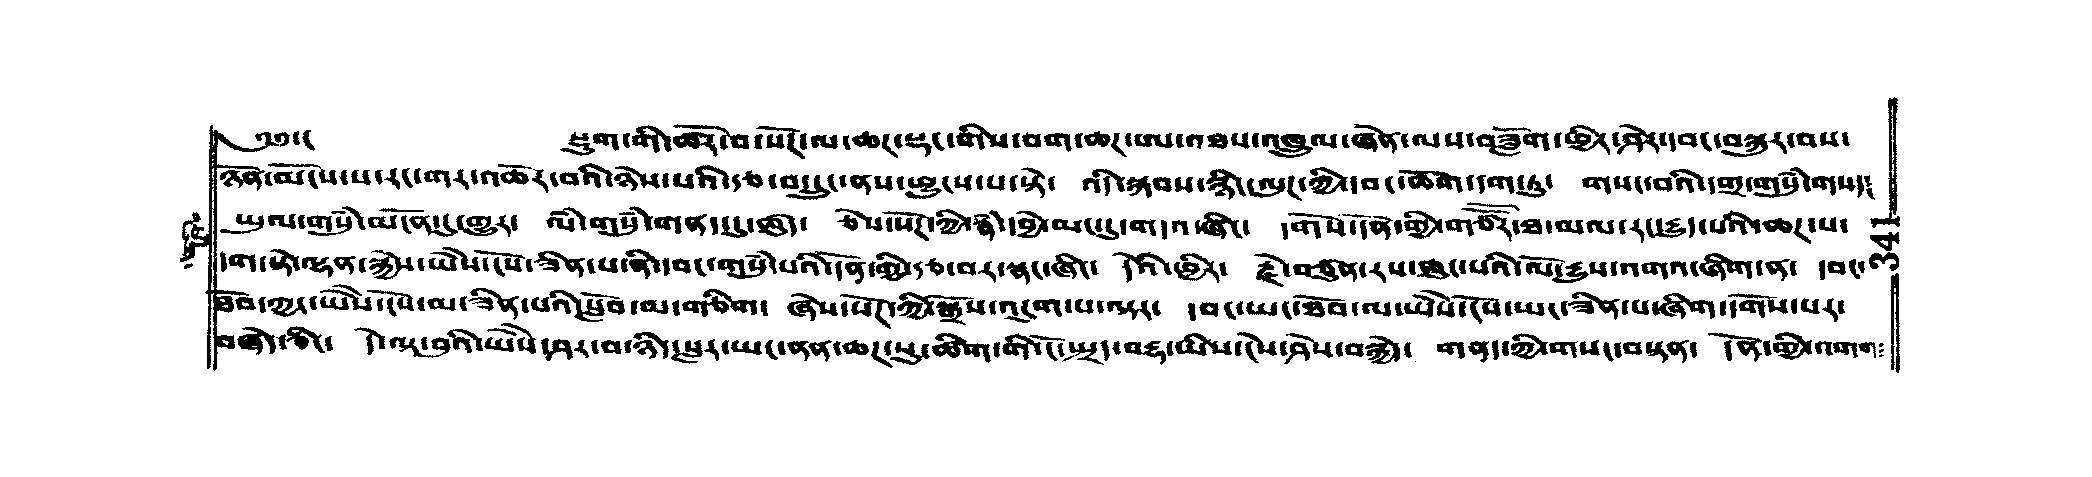སྡུག་གི་ཚོར་བ་སོགས་ལ་ཆགས་སྡང་གིས་བག་ཆགས་ཨ་འཐས་འཁྲུལ་ཞེན་ལས་བཟློག་ཕྱིར་ཤེར་དབང་བསྐུར་བས། 
ཉོན་མོངས་པ་རང་འཆོར་བའི་ཉེས་པའི་རྩ་བ་དྲུང་ནས་ཕྱུངས་པ་སྟེ། འདི་སྐབས་རྙིང་ལུགས་ཀྱི་དབང་ཆོག་དག་ཏུ། གསང་བའི་དགྲ་གསུམ་གསད། 
ཡུལ་གསུམ་མངོན་དུ་གྱུར། ལམ་གསུམ་གནད་དུ་ཚུད།ཅེས་སོགས་ཀྱི་རྣམ་དབྱེ་མང་དུ་གདའ་ཞིང་། དགོས་དོན་གྱི་གཙོ་བོར་ཐ་མལ་རང་རྒྱུད་པའི་ཆགས་པ་
དག་སྟེ་ལྷན་སྐྱེས་ཡེ་ཤེས་ངོས་ཟིན་པ་ནི་དབང་གསུམ་པའི་དོན་གྱི་རྩ་བར་སྣང་ཞིང་། དེའི་ཕྱིར། རྗེ་བཙུན་རས་ཆུང་པའི་ལོ་རྒྱུས་འགའ་ཞིག་ན། དབང་
ཐོབ་ཀྱང་ཡེ་ཤེས་ངོས་མ་ཟིན་པའི་སློབ་མ་གཅིག ཞེས་སོགས་ཀྱི་སྒྲོས་འདུག་པ་ལྟར། དབང་ཡང་ཐོབ་ལ་ཡེ་ཤེས་ངོས་ཡང་ཟིན་པ་ཞིག་དགོས་པར་
བཞེད་ཅིང་། དེ་ལྟ་བུའི་ཡེ་ཤེས་ཤར་བ་ཉིད་སླར་ཡང་ནན་ཆགས་སུ་ཚིག་གི་ངོ་སྤྲད་བརྡ་ཡིས་ངེས་ཤེས་བསྐྱེད། གནད་ཀྱི་གསང་བསྟན། དོན་གྱི་འགག་